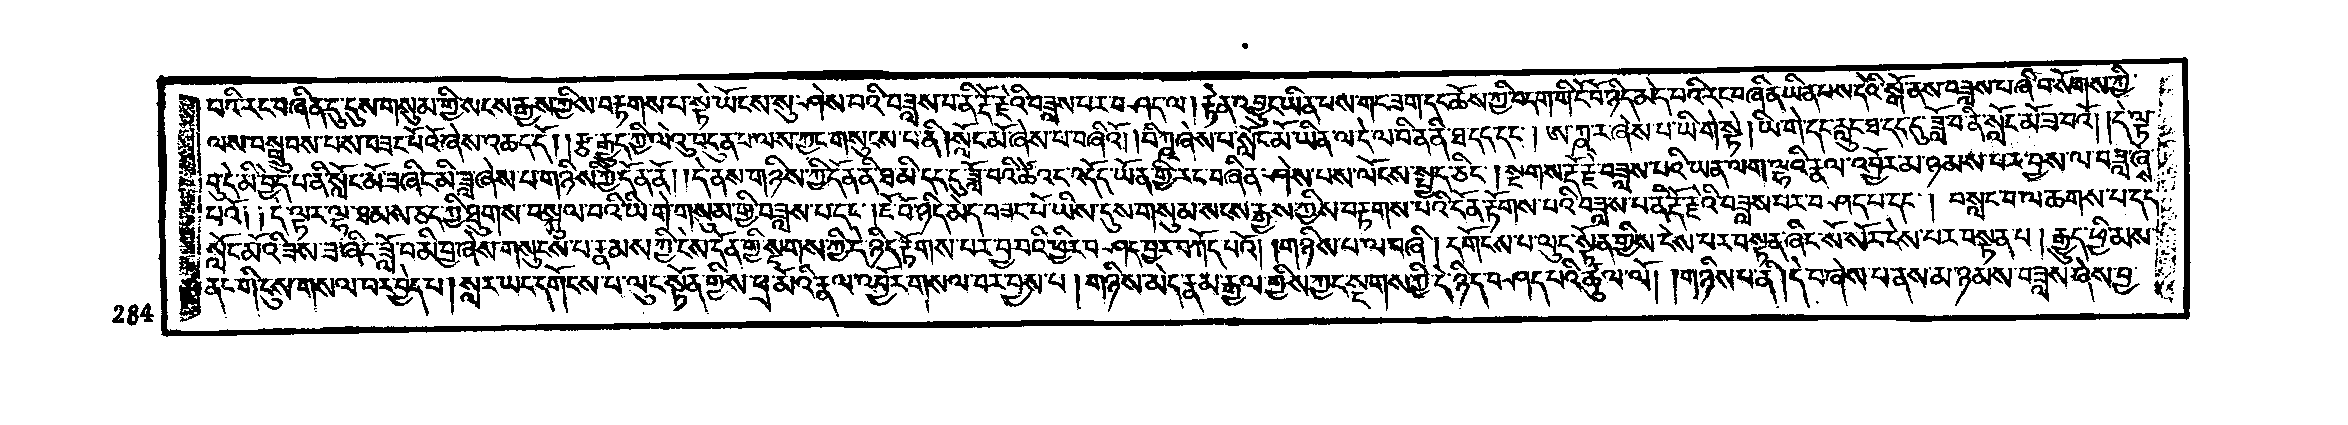པའི་རང་བཞིན་དུ་དུས་གསུམ་གྱི་སངས་རྒྱས་ཀྱིས་བརྟགས་པ་སྟེ་ཡོངས་སུ་ཤེས་པའི་བཟླས་པ་ནི་རྡོ་རྗེའི་བཟླས་པར་བཤད་ལ། རྟེན་འབྱུང་ཡིན་པས་གང་ཟག་དང་ཆོས་ཀྱི་བདག་གི་ངོ་བོ་ཉིད་མེད་པའི་རང་བཞིན་ཡིན་པས་དེའི་སྒོ་ནས་བཟླས་པ་ཞི་བ་སོགས་ཀྱི་
ལས་བསྒྲུབས་པས་བཟང་པོའི་ཞེས་འཆད་དོ། །རྩ་རྒྱུད་ཀྱི་ལེའུ་བདུན་པ་ལས་ཀྱང་གསུངས་པ་ནི། སློང་མོ་ཞེས་པ་བཞིའོ། །བིཀྵུ་ཞེས་པ་སློང་མོ་ཡིན་ལ་དེ་ལ་བི་ན་ནི་ཐ་དད་དང་། ཨ་ཀྵ་ར་ཞེས་པ་ཡི་གེ་སྟེ། ཡི་གེ་དང་རླུང་ཐ་དད་དུ་ཟློ་བ་ནི་སློང་མོ་ཟ་བའོ། །དེ་ལྟ་
བུ་དེ་མི་བྱེད་པ་ནི་སློང་མོ་ཟ་ཞིང་མི་ཟླ་ཞེས་པ་གཉིས་ཀྱི་དོན་ནོ། །དེ་ནས་གཉིས་ཀྱིཨུ་དོན་ནོ་ཐ་མ་དད་དུ་ཟློ་བའི་ཚེའང་འདོད་ཡོན་གྱི་རང་བཞིན་ཤེས་པས་ལོངས་སྤྱད་ཅིང་། སྔགས་རྡོ་རྗེ་བཟླས་པའི་ཡན་ལག་ལྷའི་རྣལ་འབྱོར་མ་ཉམས་པར་བྱས་ལ་བཟླ་ཞེ་
པའོ། །དེ་ལྟར་ལྷ་ཐམས་ཅད་ཀྱི་ཐུགས་བསྐུལ་བའི་ཡི་གེ་གསུམ་གྱི་བཟླས་པ་དང་། ངོ་བོ་ཉིད་མེད་བཟང་པོ་ཡིས་དུས་གསུམ་སངས་རྒྱས་ཀྱིས་བརྟགས་པའི་དོན་རྟོགས་པའི་བཟླས་པ་ནི་རྡོ་རྗེའི་བཟླས་པར་བཤད་པ་དང་། བསླང་བ་ལ་ཆགས་པ་དང་
སློང་མོའི་ཟས་ཟ་ཞིང་ཟློ་བ་མི་བྱ་ཞེས་གསུངས་པ་རྣམས་ཀྱི་ངེས་དོན་གྱི་སྔགས་ཀྱི་དེ་ཉིད་རྟོགས་པར་བྱ་བའི་ཕྱིར་བཤད་བྱར་བཀོད་པའོ། །གཉིས་པ་ལ་བཞི། དགོངས་པ་ལུང་སྟོན་གྱིས་ངེས་པར་བསྟན་ཞིང་སོ་སོར་ངེས་པར་བསྟན་པ། རྒྱུད་ཕྱི་མས་
ནང་གི་དུས་གསལ་བར་བྱེད་པ། སླར་ཡང་དགོངས་པ་ལུང་སྟོན་གྱིས་ཕྲ་མོའི་རྣལ་འབྱོར་གསལ་བར་བྱས་པ། གཉིས་མེད་རྣམ་རྒྱལ་གྱིས་ཀྱང་སྔགས་ཀྱི་དེ་ཉིད་བཤད་པའི་ཚུལ་ལོ། །གཉིས་པ་ནི། དེ་བ་ཞེས་པ་ནས་མ་ཉམས་བཟླས་ཞེས་བྱ་